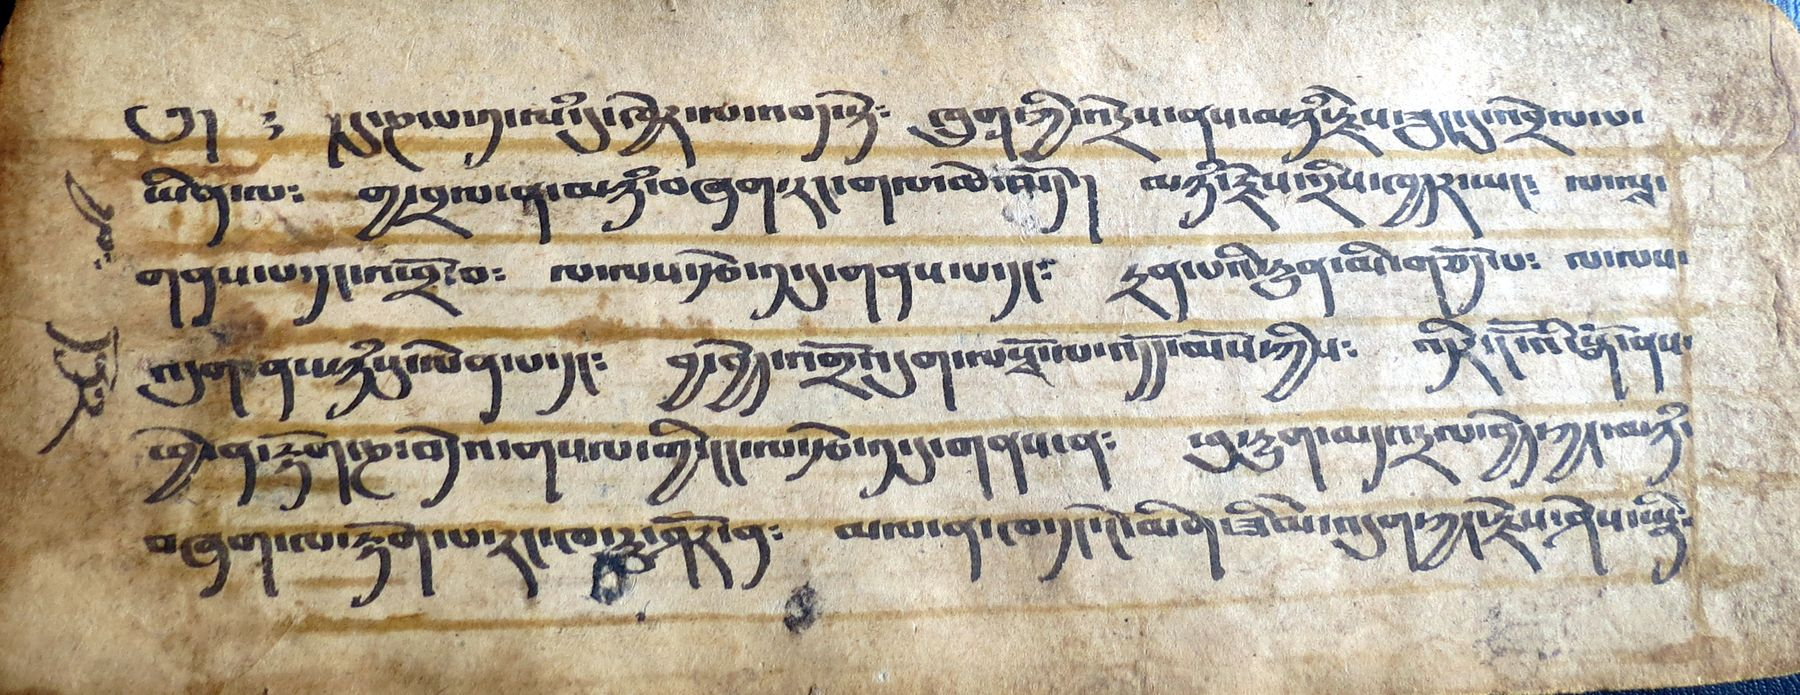དུ་མེད་པ་ཞིག་ལམ་དུ་ཁྱེར་ལ་འབད་དེ། ཁྲུག་གིས་འདྲེས་ན་མཉམ་རྗེས་ཟུང་དུ་འབྲེལ་བ་
ཡིན་ལ། གྱ་བྲལ་མཉམ་བཞག་རང་གལ་ཆེ་མོད། མཉམ་རྗེས་གཉིས་ཀྱི་ཁྱད་པར་ཡང་། ལ་ལས་
གསལ་བ་དང་སྟོང་པ། ལ་ལས་རྩེ་གཅིག་ཏུ་གནས་པ་དང་། དྲན་པའི་རྒྱུན་མི་གཅོད་པ་དང་། ལ་ལས་
འདུག་ནས་ཉམས་སུ་ལེན་པ་དང་། བྱ་བྱེད་འགྲོ་འདུག་ལ་སོགས་ལ་འདོད་མོས་ཀྱི། འདིར་ངོ་བོའི་སྒོ་ནས་
ཕྱེ་ན་རྟོག་མེད་བདེ་གསལ་གྱི་ངང་ལ་རིག་པ་རྩེ་གཅིག་ཏུ་གནས་ན། ཕུ་རྒྱུག་མདའ་འདྲ་བ་བྱེད་ཀྱང་མཉམ་
བཞག་ལ་རྟོག་པ་རང་ཁ་རུ་ཤོར་ན། མལ་ན་ཁ་དང་ངེ་མིག་ཟིམ་མེ་འདུག་ཀྱང་རྗེས་ཤེས་ཡིན།